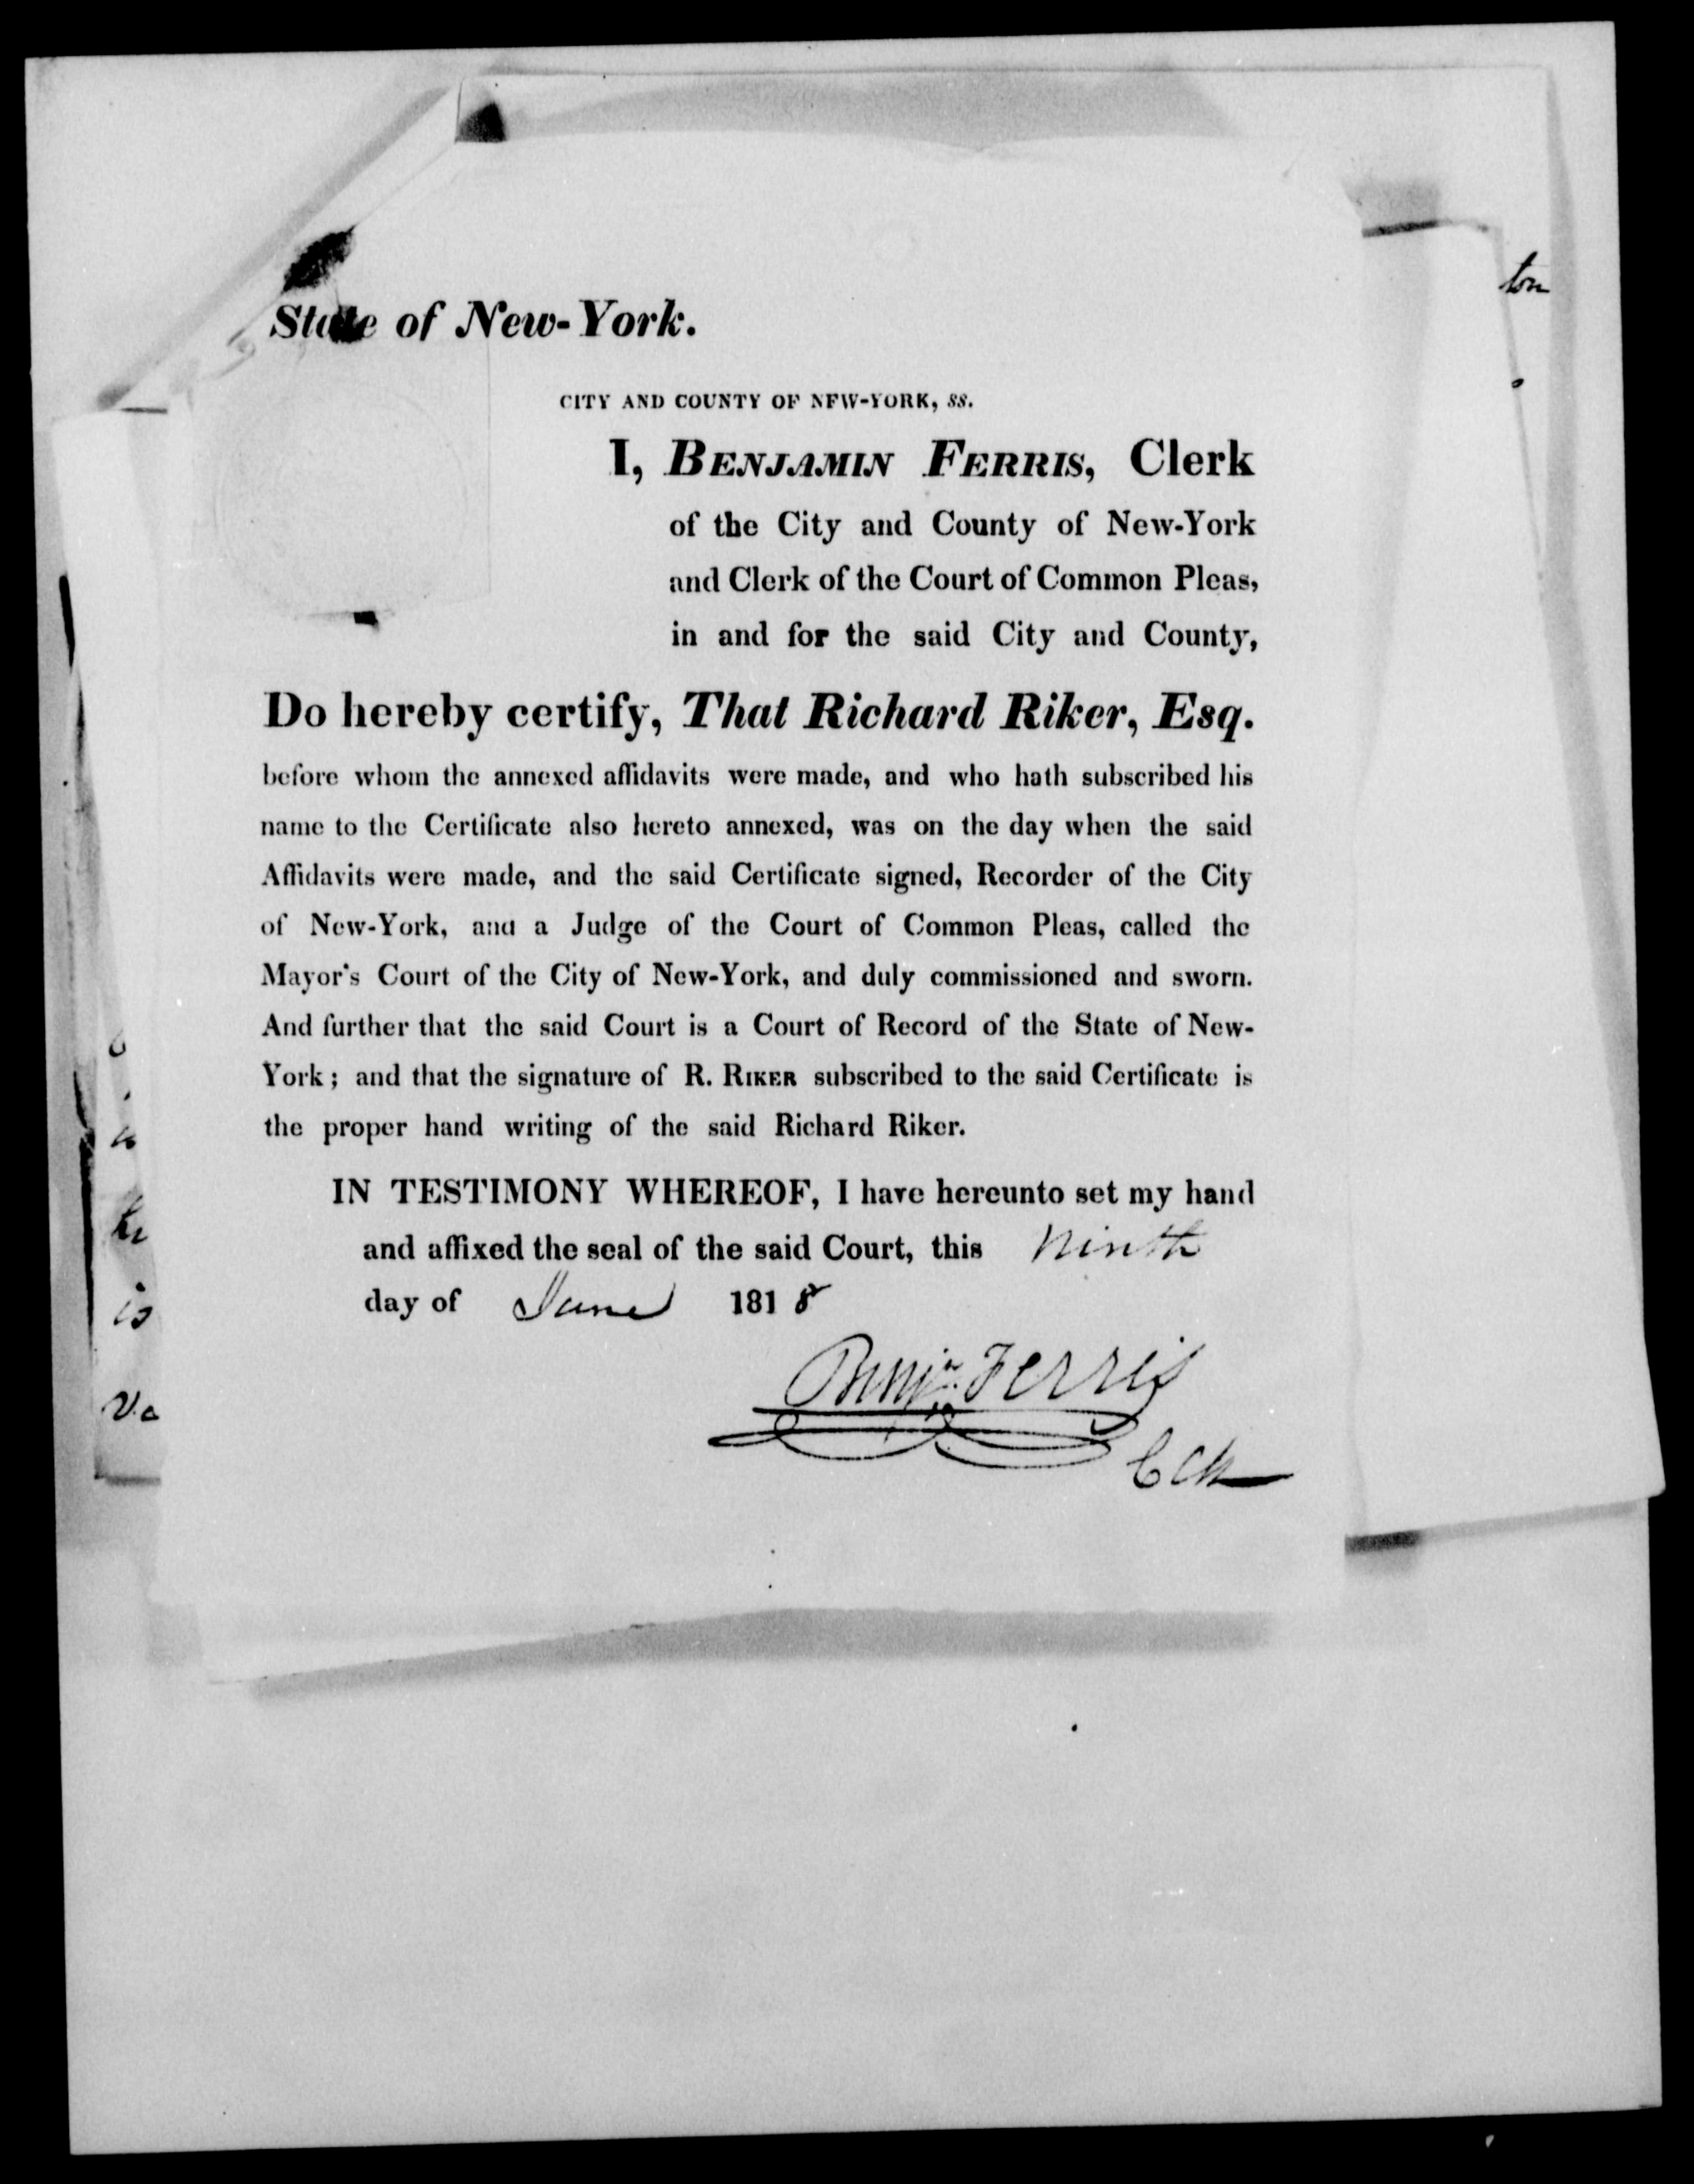State of New-York

City and County of New-York, ss.


I, BENJAMIN FERRIS, Clerk of the City and County of New-York and Clerk of the Court of Common Pleas, in and for the said City and County,

Do hereby certify, That Richard Riker, Esq. before whom the annexed affidavits were made, and who hath subscribed his name to the Certificate also hereto annexed, was on the day when the said Affidavits were made, and the said Certificate signed, Recorder of the City of New-York, and a Judge of the Court of Common Pleas, called the Mayor's Court of the City of New-York, and duly commissioned and sworn.
And further that the said Court is a Court of Record of the State of New-York; and that the signature of R. Riker subscribed to the said Certificate is the proper hand writing of the said Richard Riker.

IN TESTIMONY WHEREOF, I have hereunto set my hand and affixed the seal of the said Court, this ninth day of June 1818.

Benjamin Ferris
Clerk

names: Benjamin Ferris; Richard Riker; Benja Ferris; R Riker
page: 22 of 30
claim: survivor's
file: S. 42289, for Seymore Sherwood, Connecticut